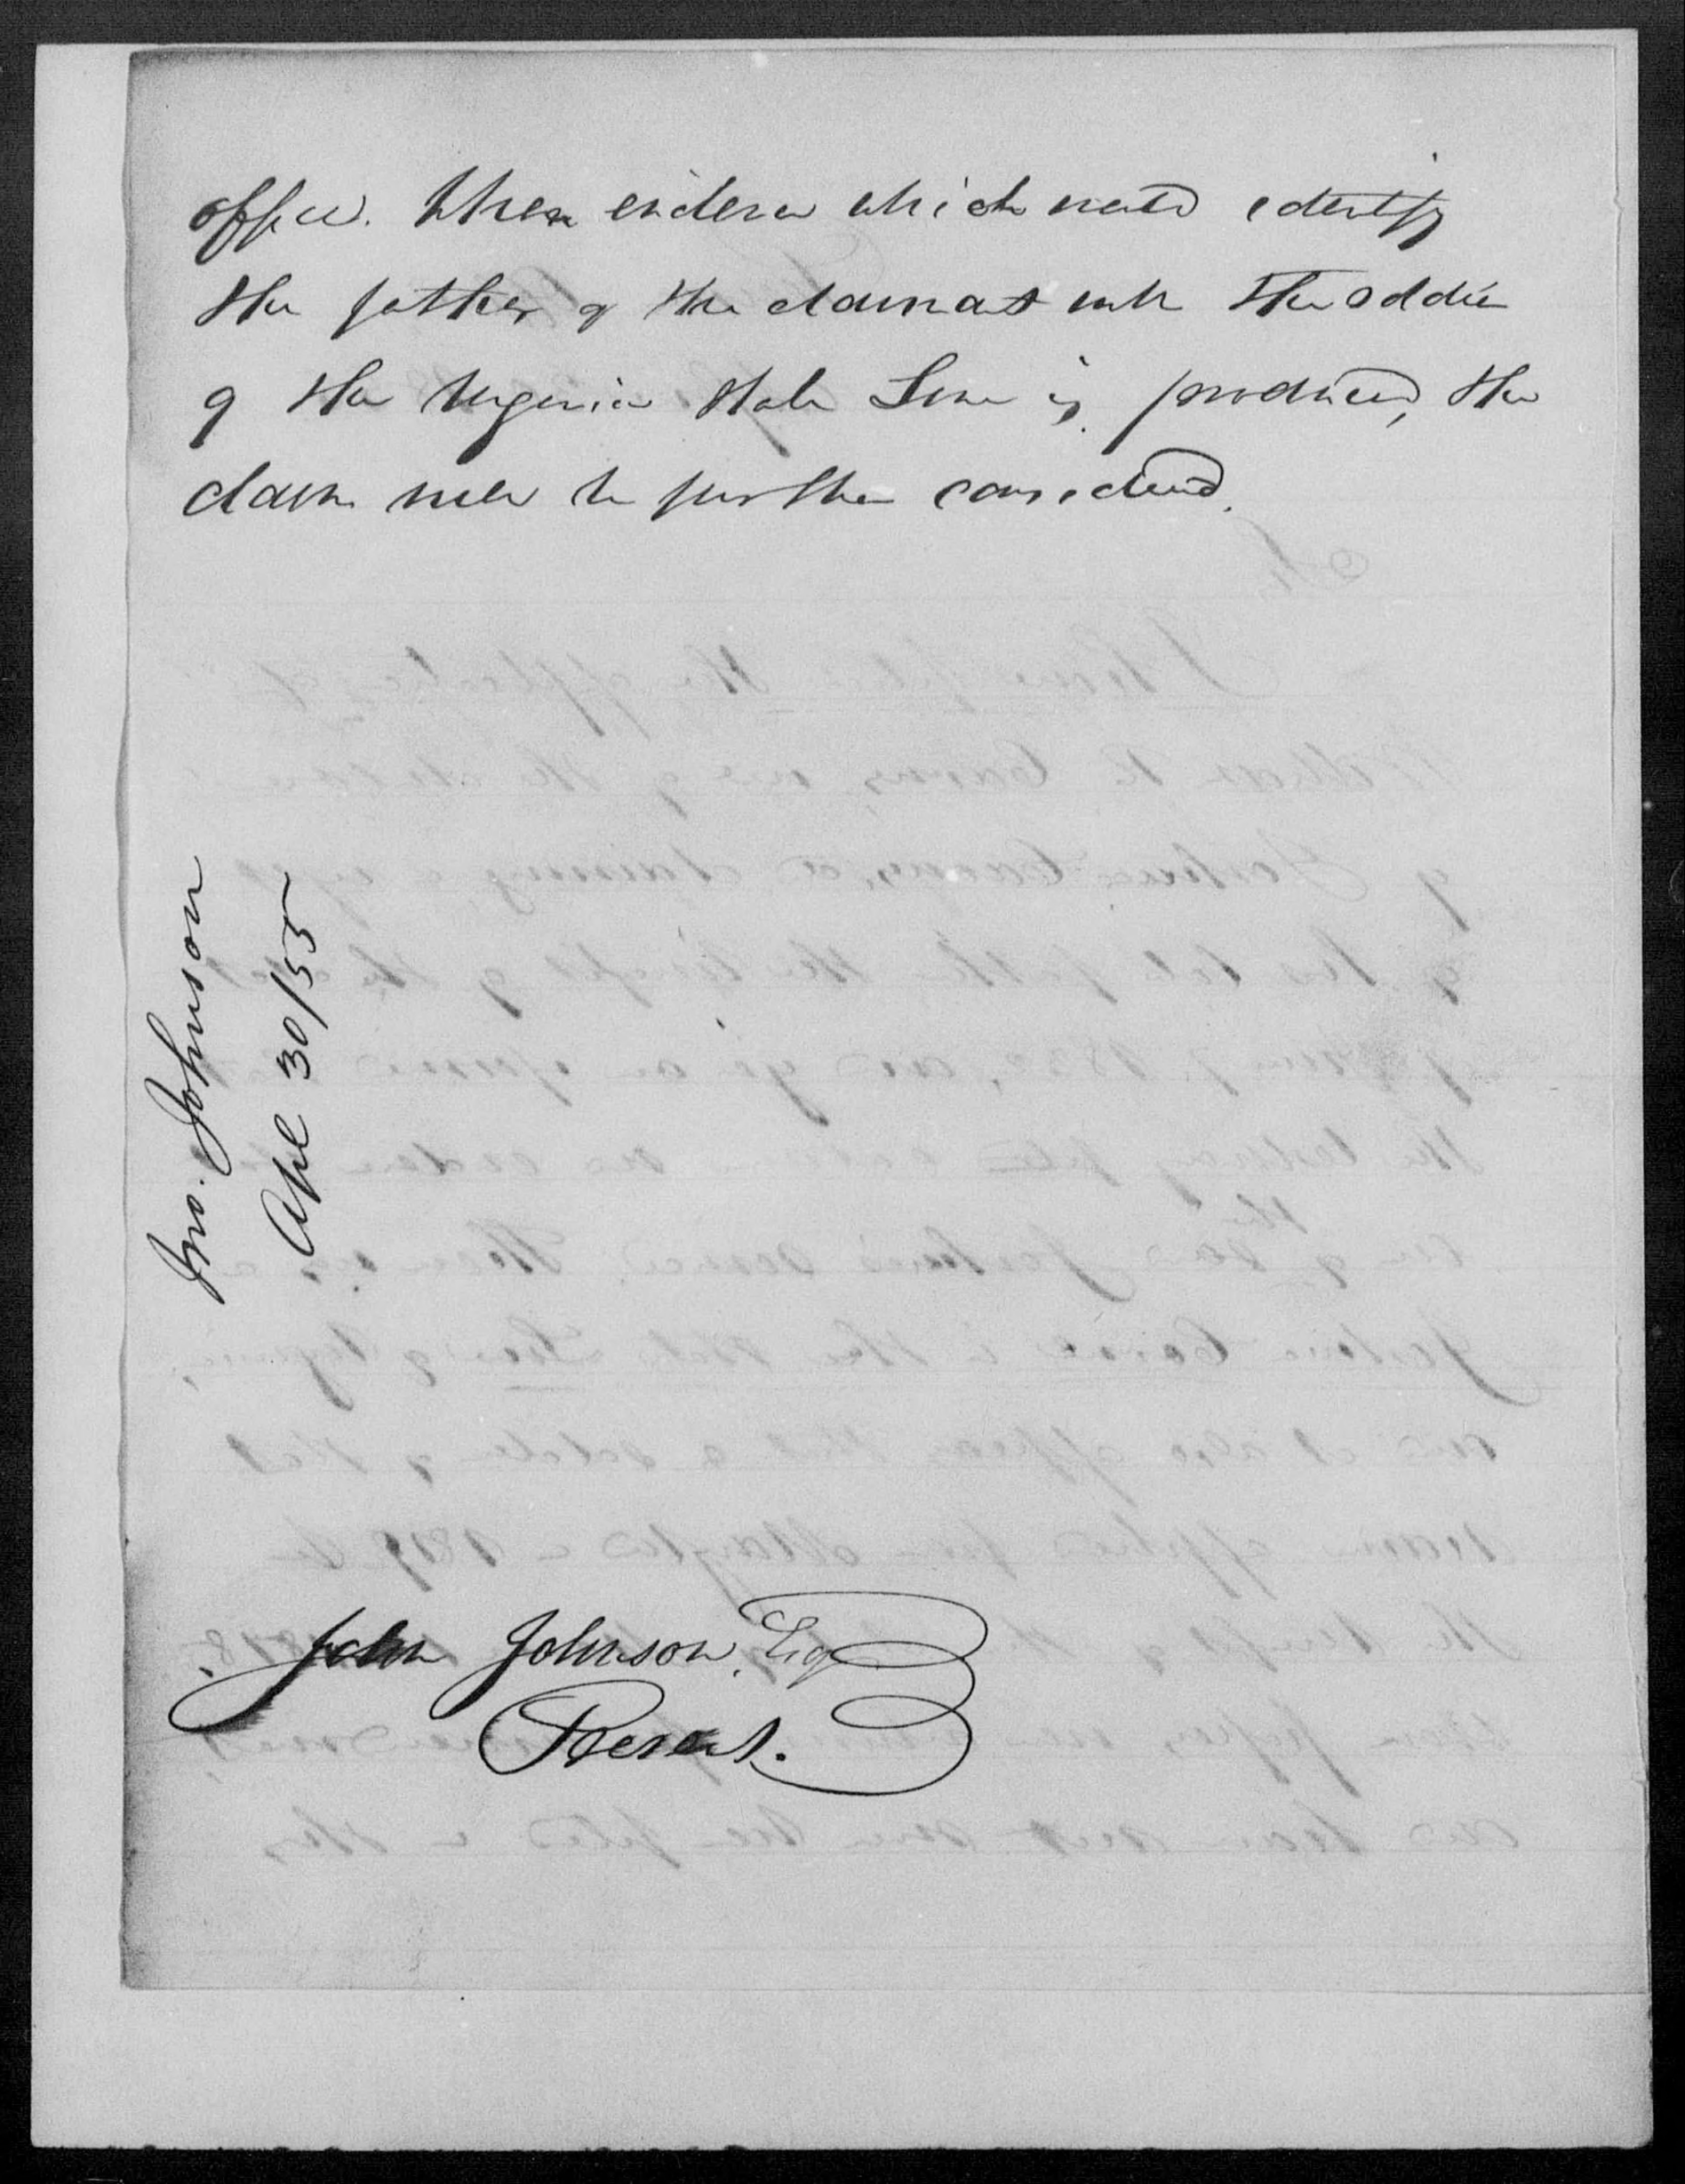office.  When evidence which [unreadable] identify the father of the claimant [unreadable] 9 Virginia [unreadable] State Line is produced, then the claim might be further considered. 

John Johnson
April 30, 1855

John Johnson, Esquire
[seal]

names: John Johnson, Jno Johnson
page: 17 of 22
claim: rejected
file: R 1709, Joshua Carnes, Va.